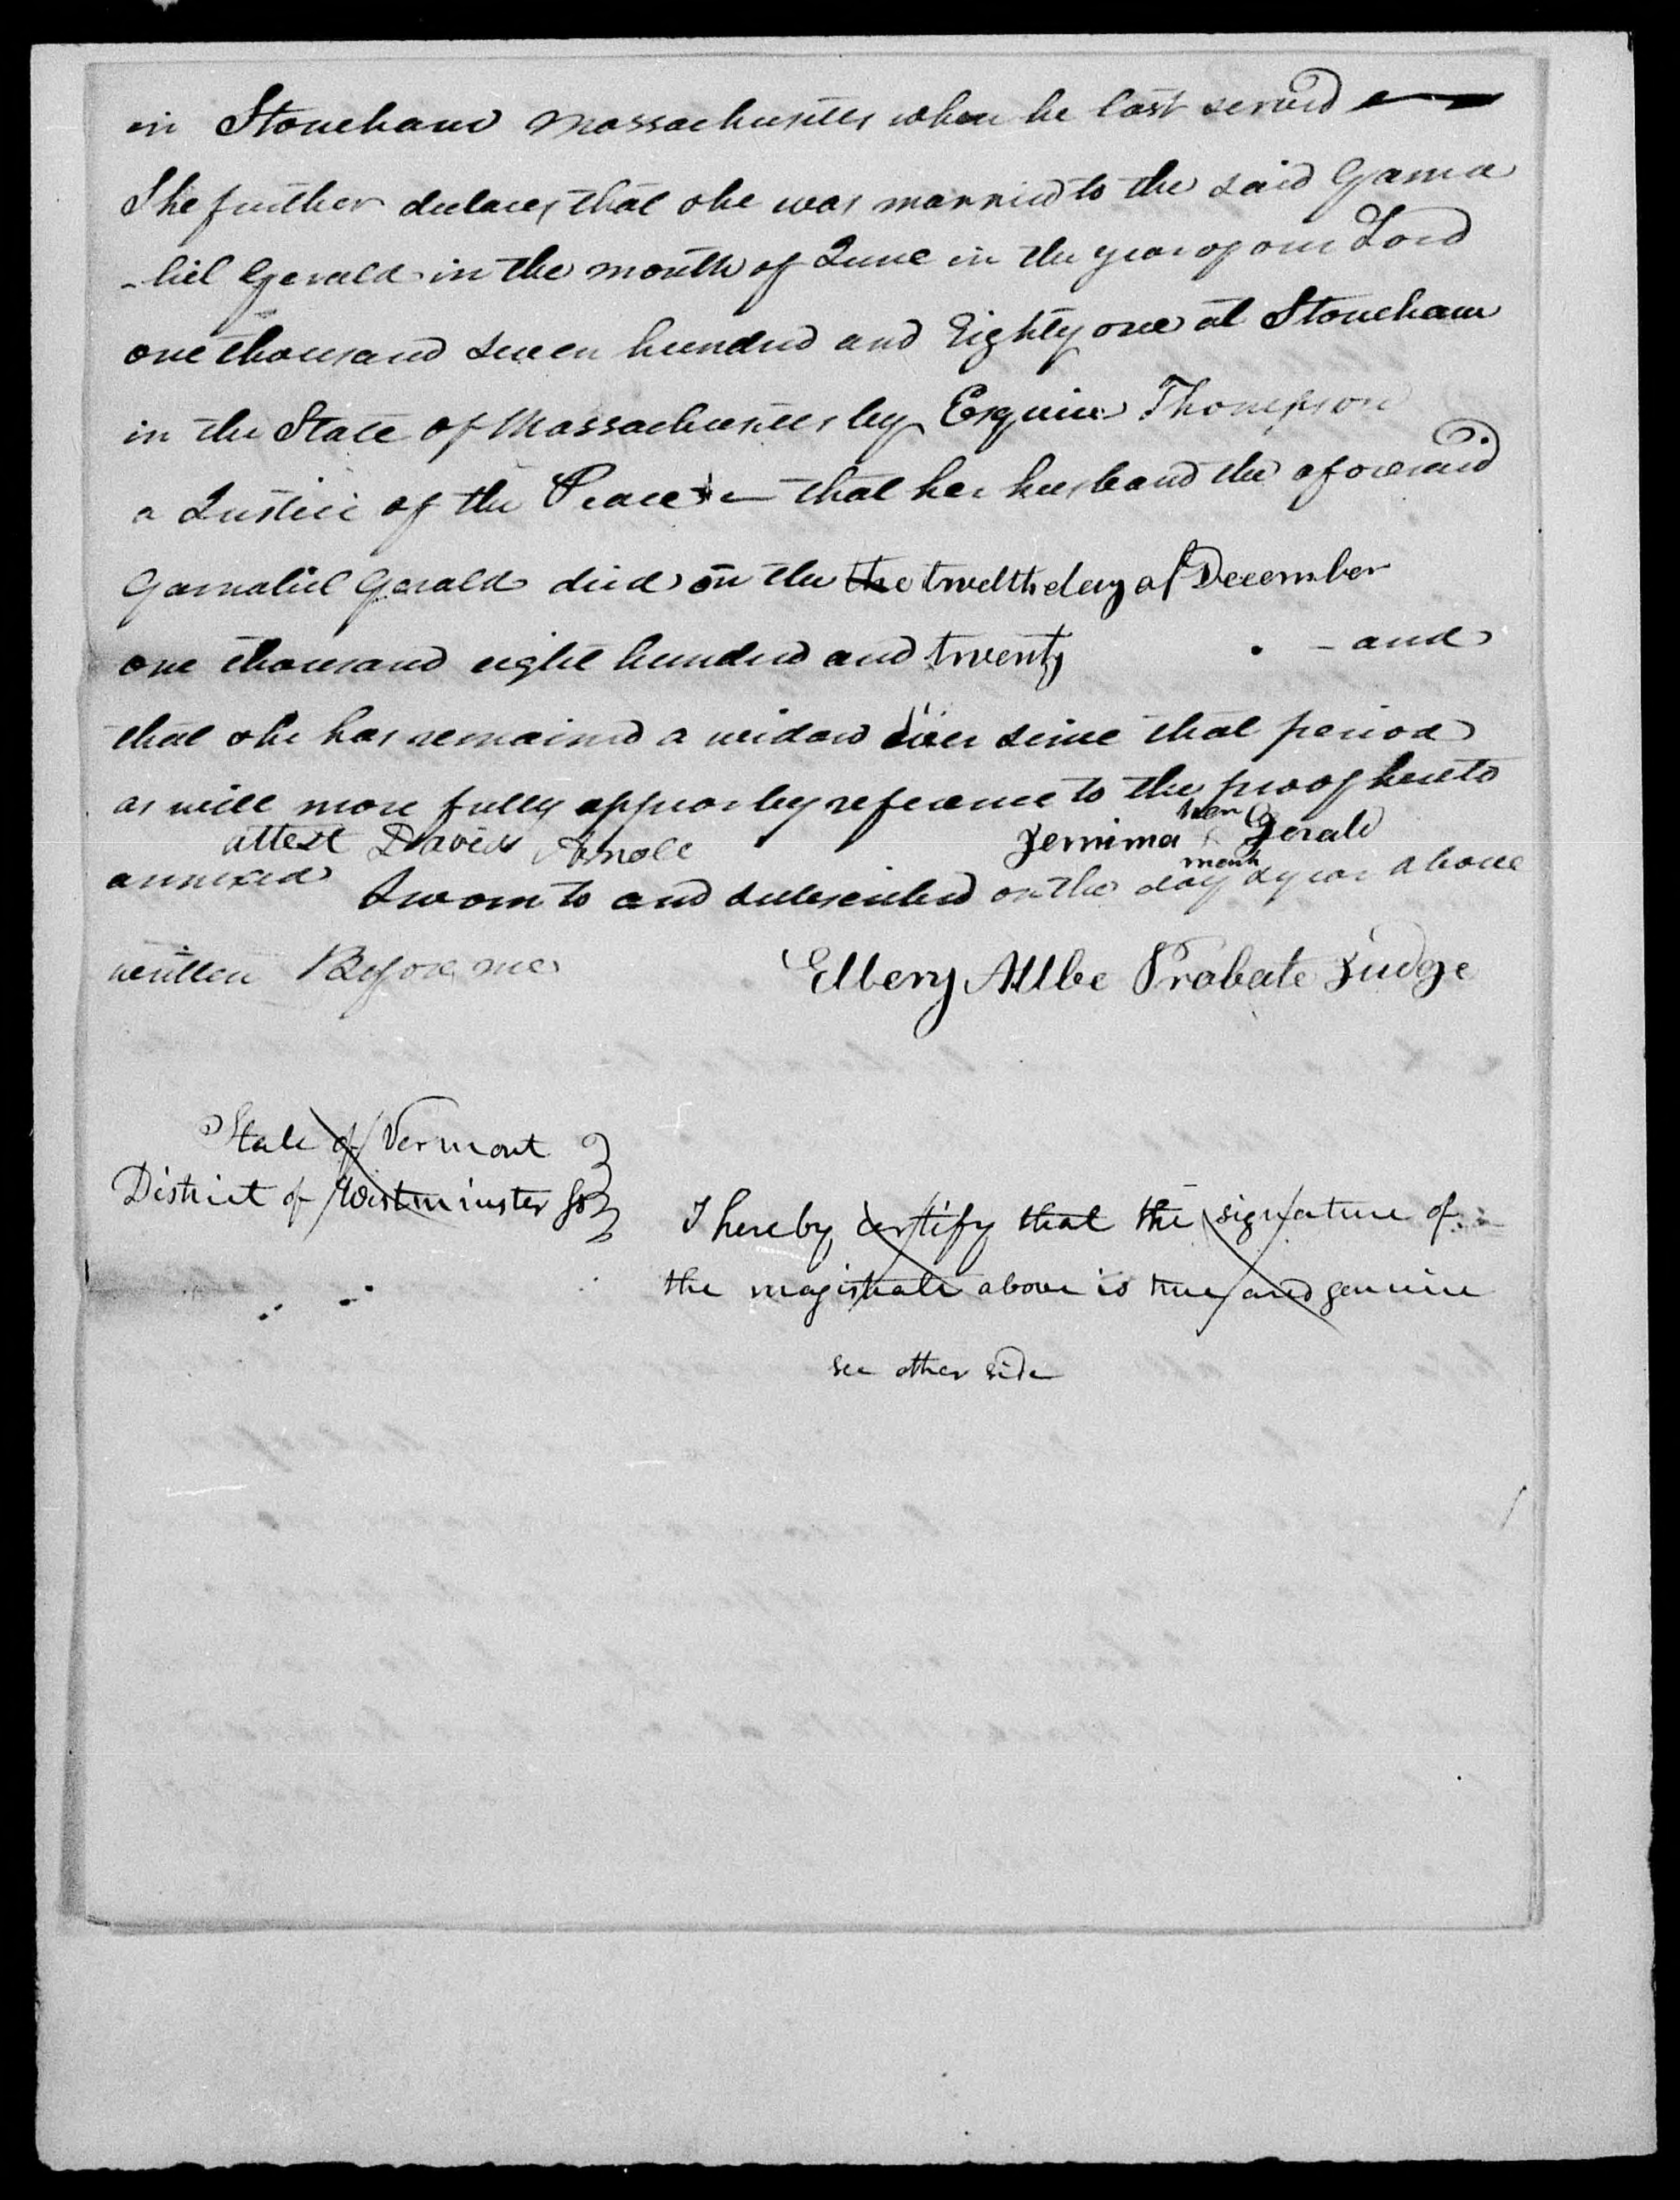in Stoneham Massachusetts when he last served.
She further declares that she was married to the said Gamaliel Gerald in the month of June in the year of our Lord one thousand seven hundred and eighty one at Stoneham in the State of Massachusetts by Esquire Thompson a Justice of the Peace that her husband the aforesaid Gamaliel Gerald died on the the twelth [twelfth] day of December one thousand eight hundred and twenty and that she has remained a widow ever since that period as will more fully appear by reference to the hereto
Jemima Gerald her X mark

attest David Arnold
annexed

Sworn to and subscribed on the day month & year above written before me
Ellery Allbe Probate Judge (signature)


{the following is crossed out}
State of Vermont 
District of Westminster ss
I hereby certify that the signature of the magistrate above is true and genuine
see other side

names: Gamaliel Gerald, Thompson, Elbery Allbe, Gamaliel Gerald, David Arnold, Jemima Gerald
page: 3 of 26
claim: widow's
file: W. 25619, Gamaliel Gerald, Mass.